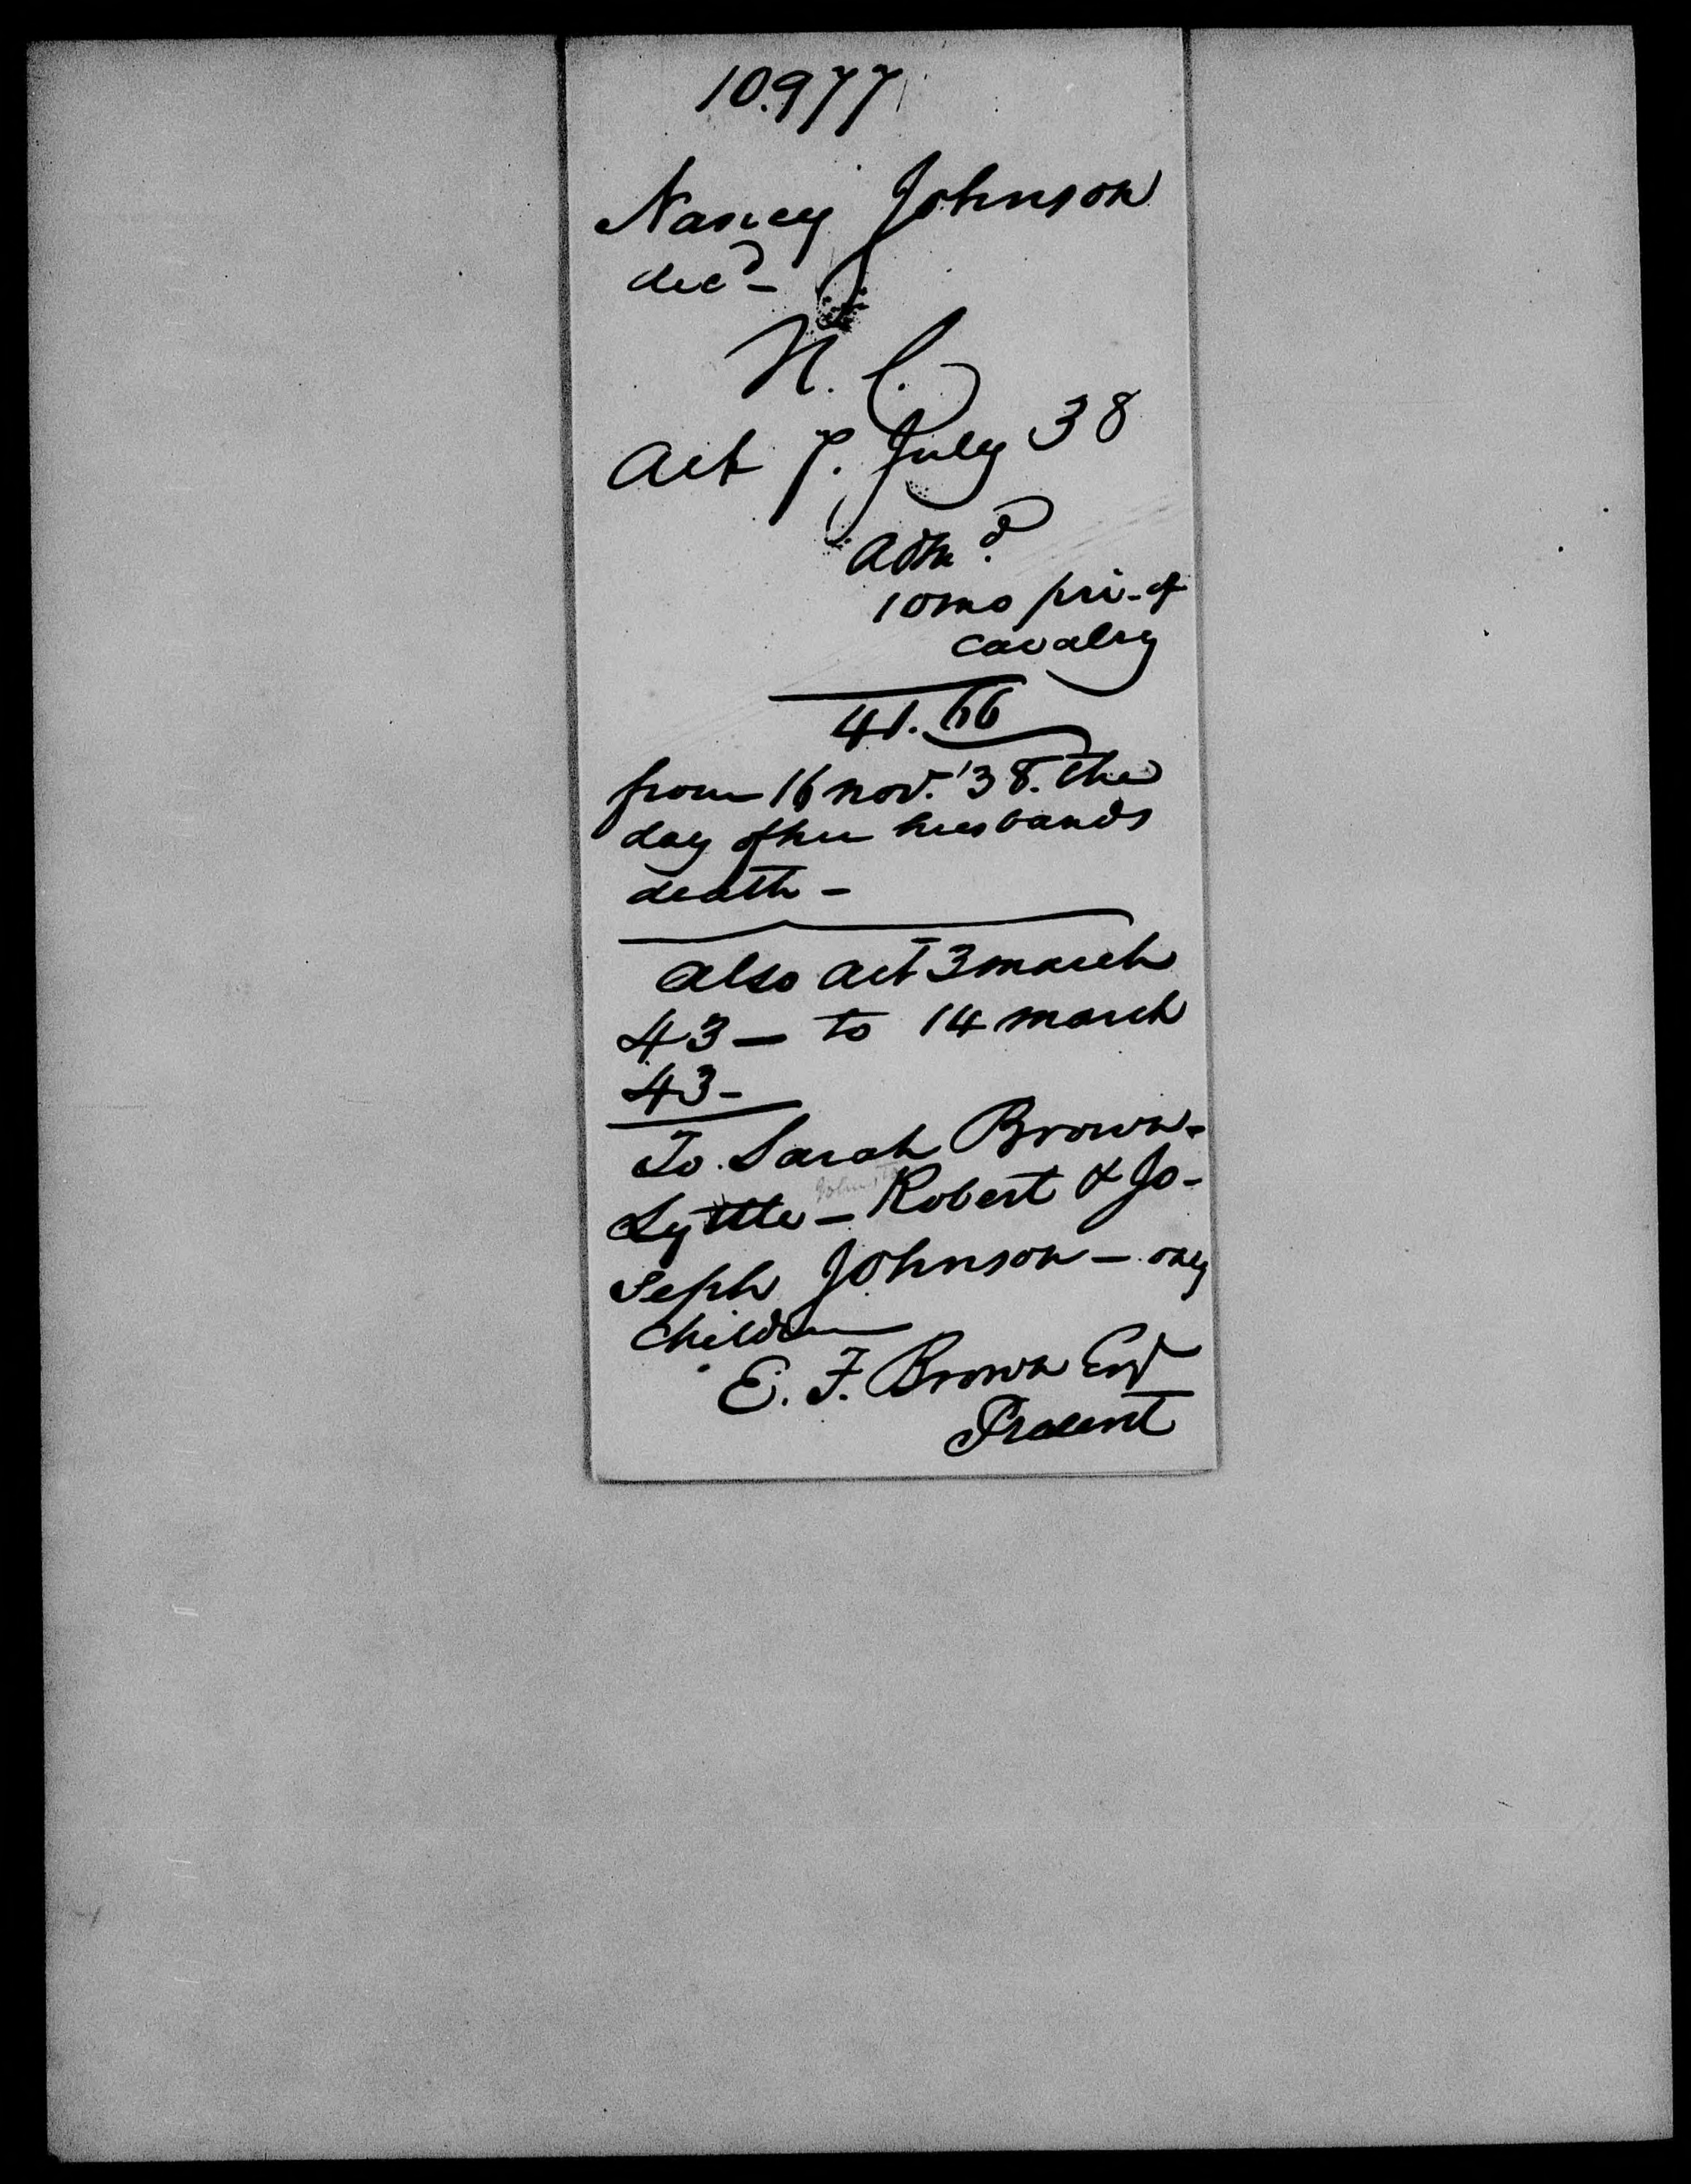10977
Nancy Johnson decd [deceased] N. C. 
Act 7 July 38 
Adm.d [Admitted] 10 mo [months] pri [private] of Cavalry 
41.66 
from 16 Nov. ‘38. the day of her husbands death
also act 3 March 43 - to 14 March 43 –
To Sarah Brown - Little Johnston - Robert & Joseph Johnson – only children 
E. F. Brown Esq
Present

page: 33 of 41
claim: widow's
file: W. 5033, for Joseph Johnston, North Carolina